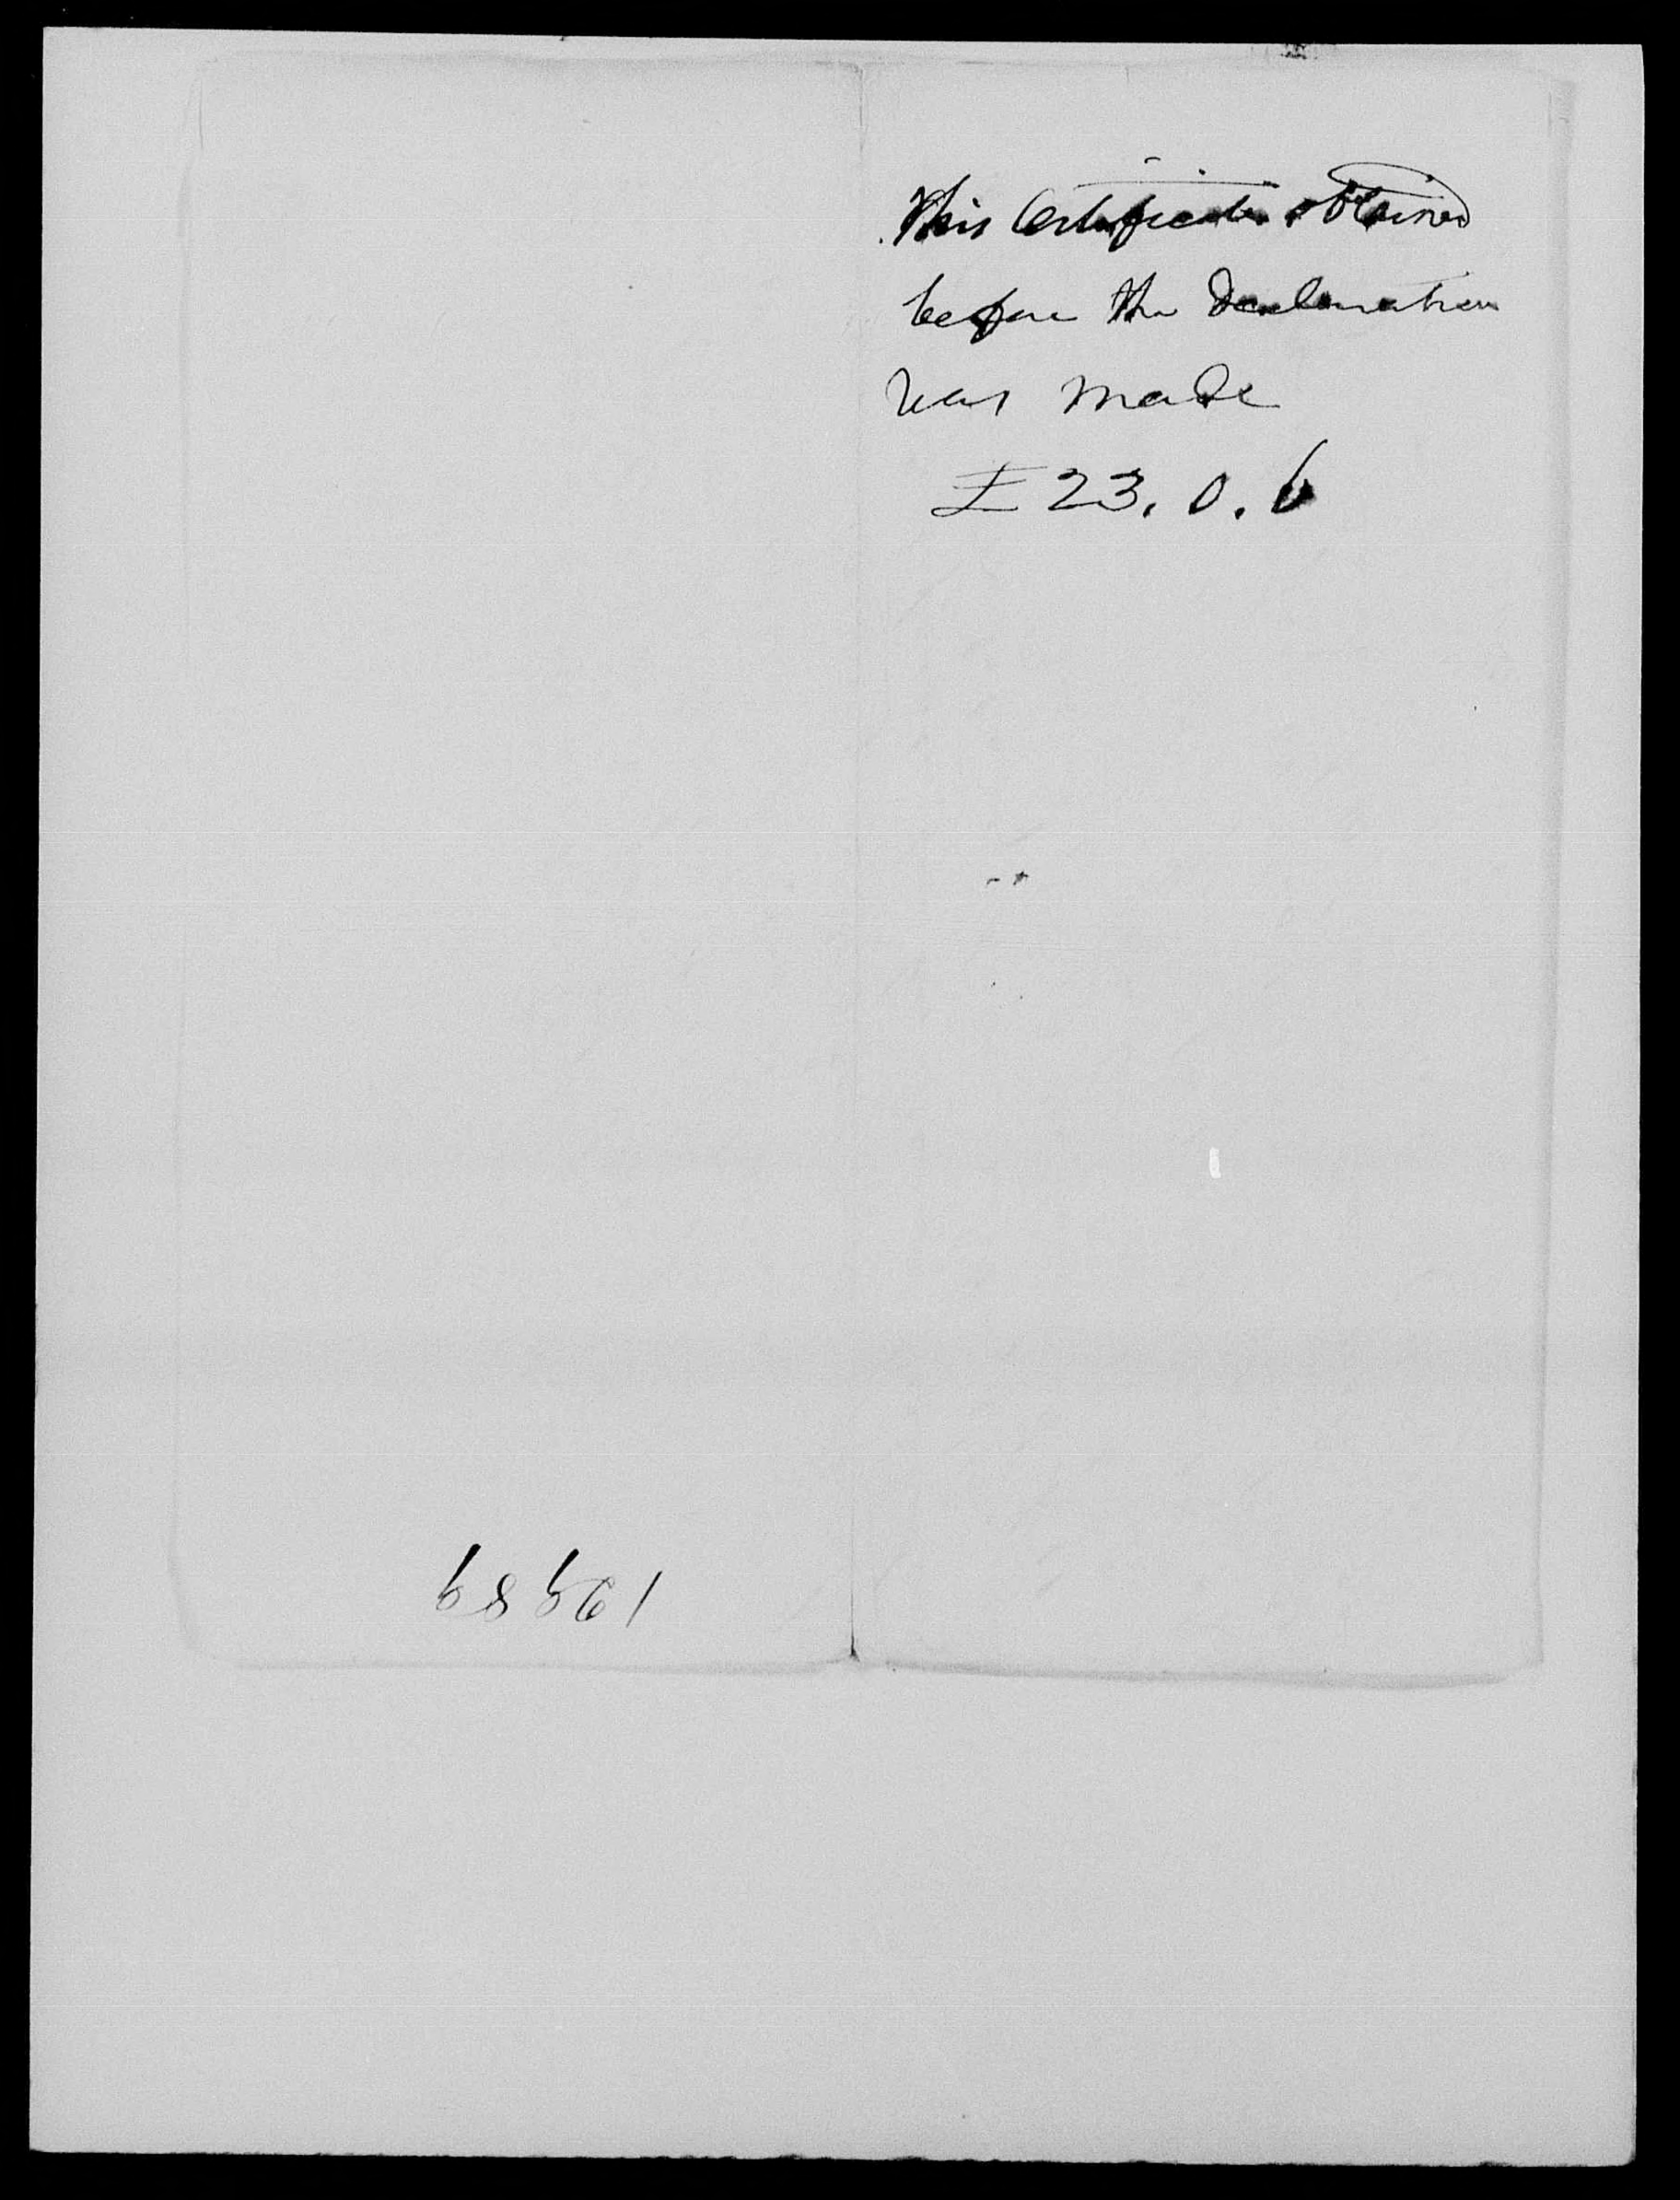This certificate obtained before the declaration was made.
L 23.0.6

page: 51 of 52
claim: rejected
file: R. 3,512, John Ferrell, N.C.